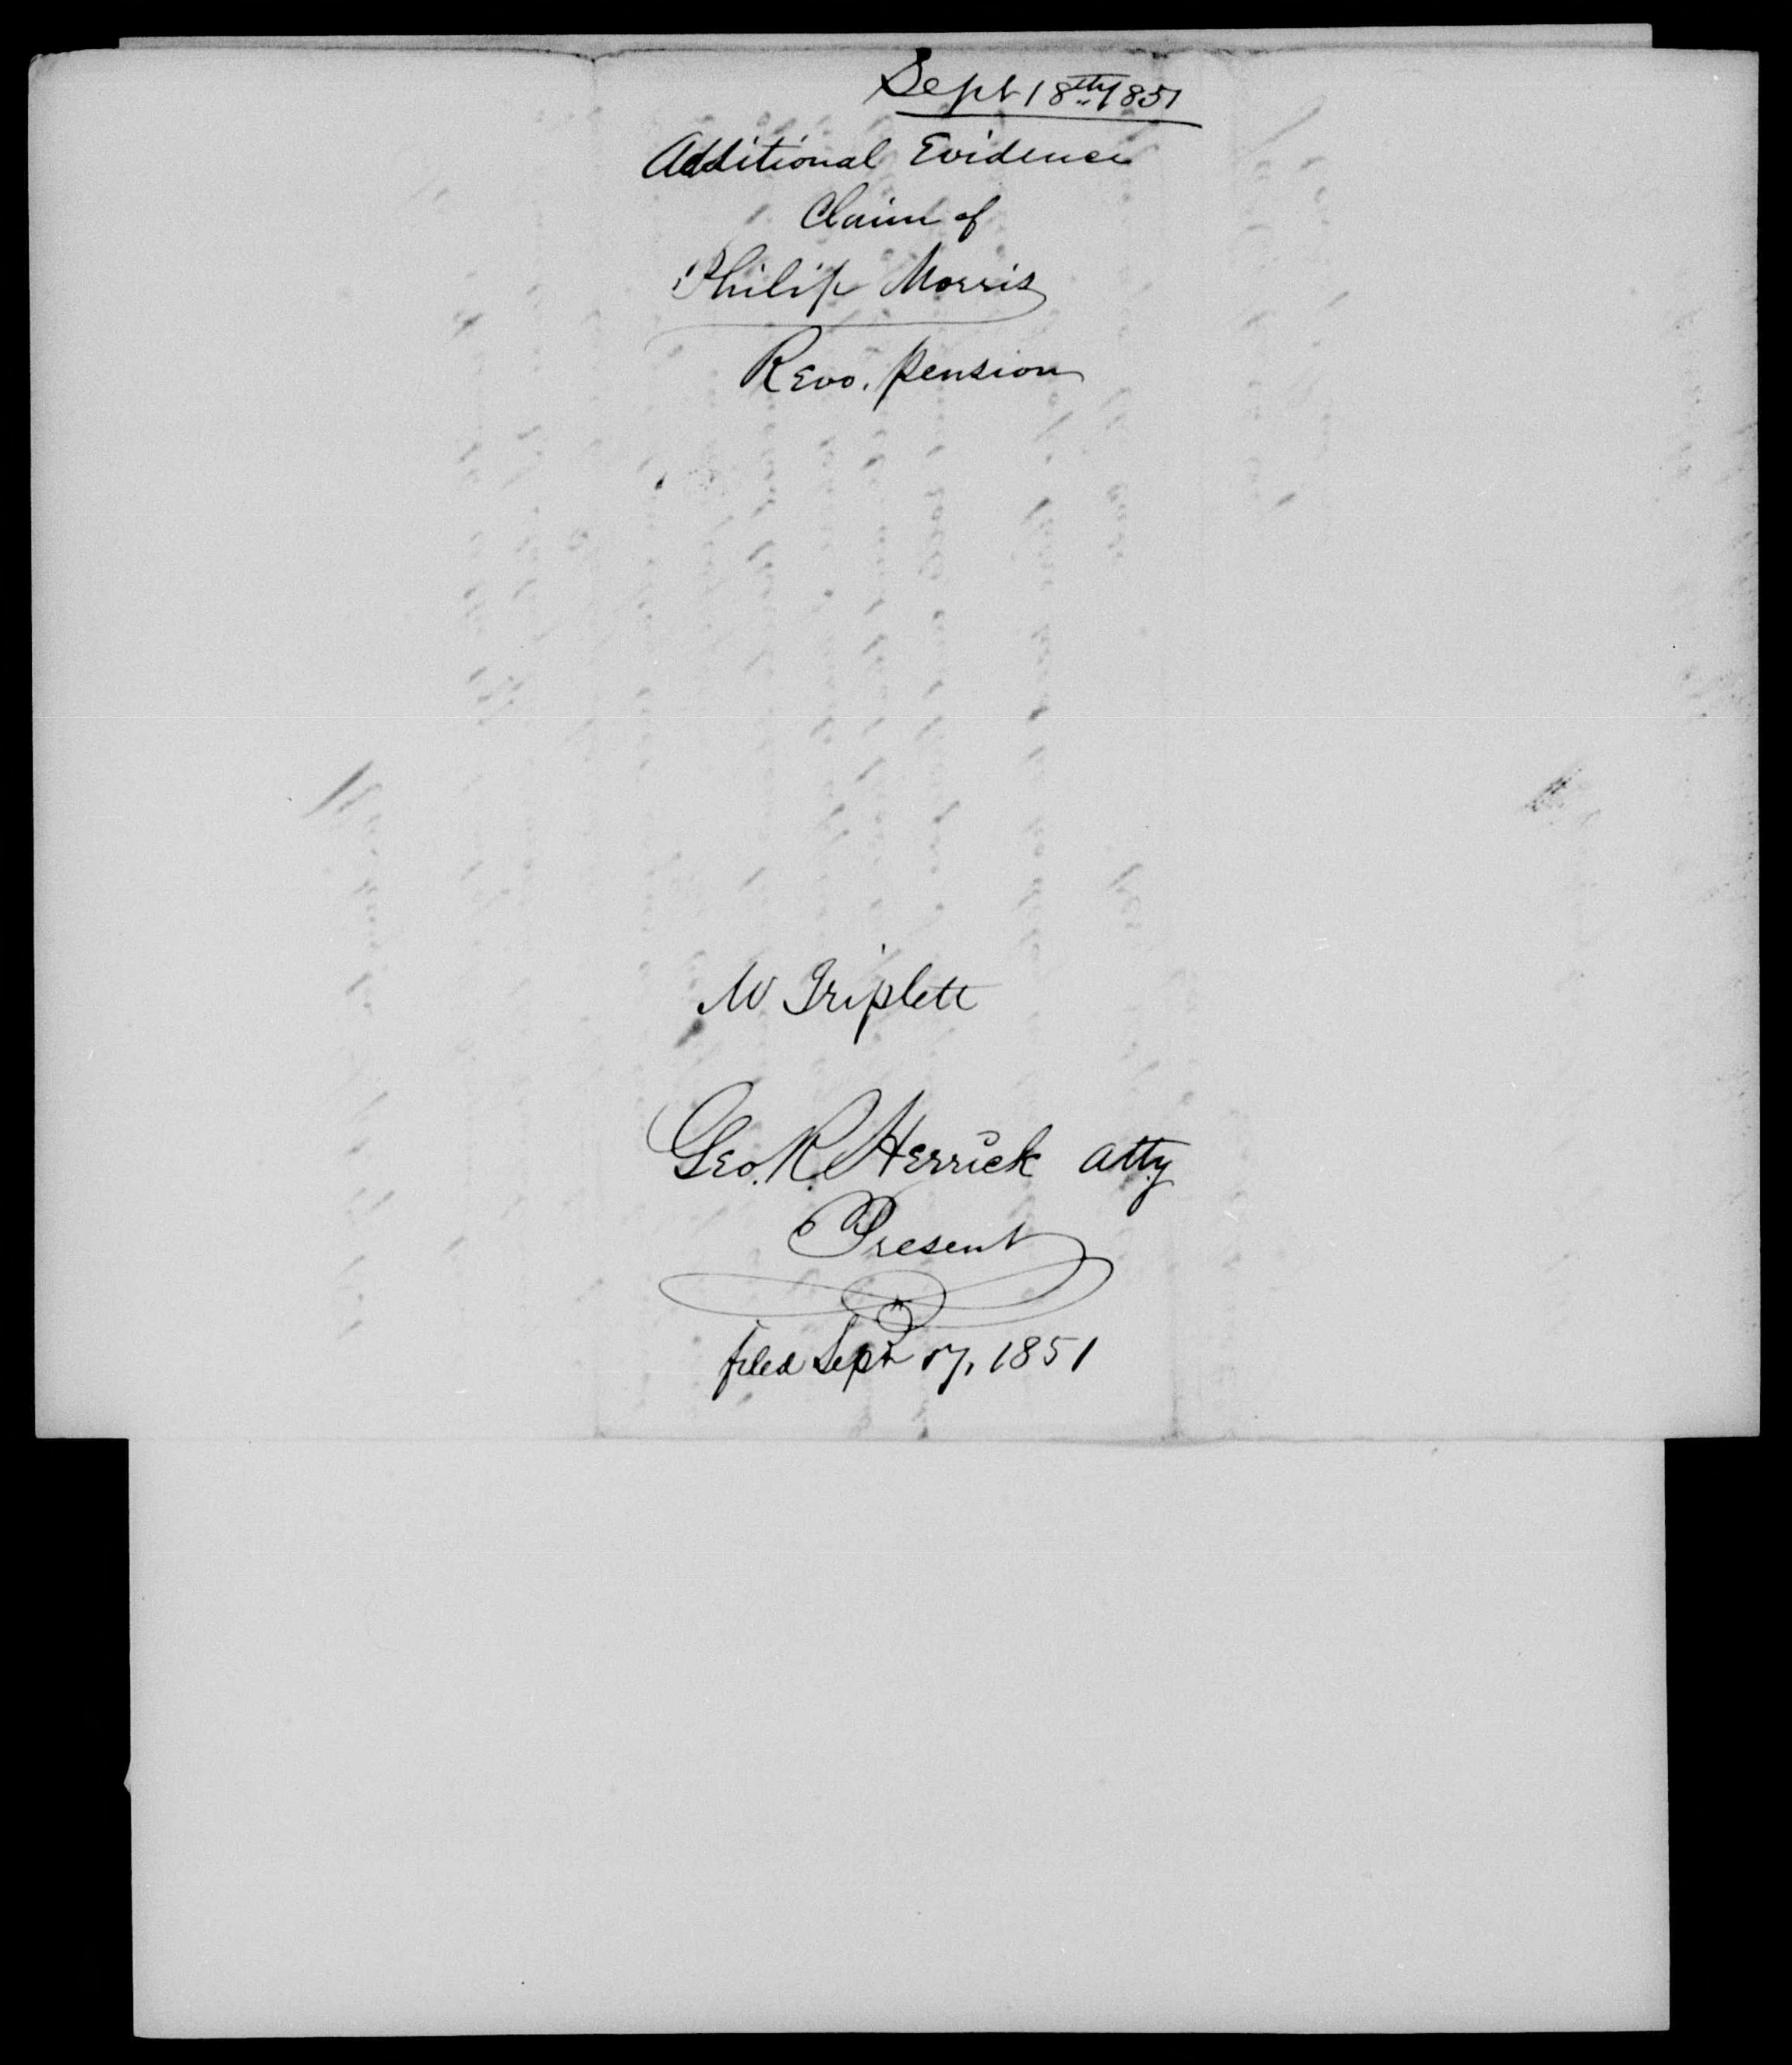Sept 18th 1857
Additional Evidence
Claim of 
Phiilip Morris
Revo. pension

W Triplett

Geo. R. Herrick atty
Persent

filed Sept 7, 1851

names: Philip Morris; [BLANK] Triplett; Geo R Herrick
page: 36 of 44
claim: survivor's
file: S. 28,815, for Philip Morris, Rhode Island